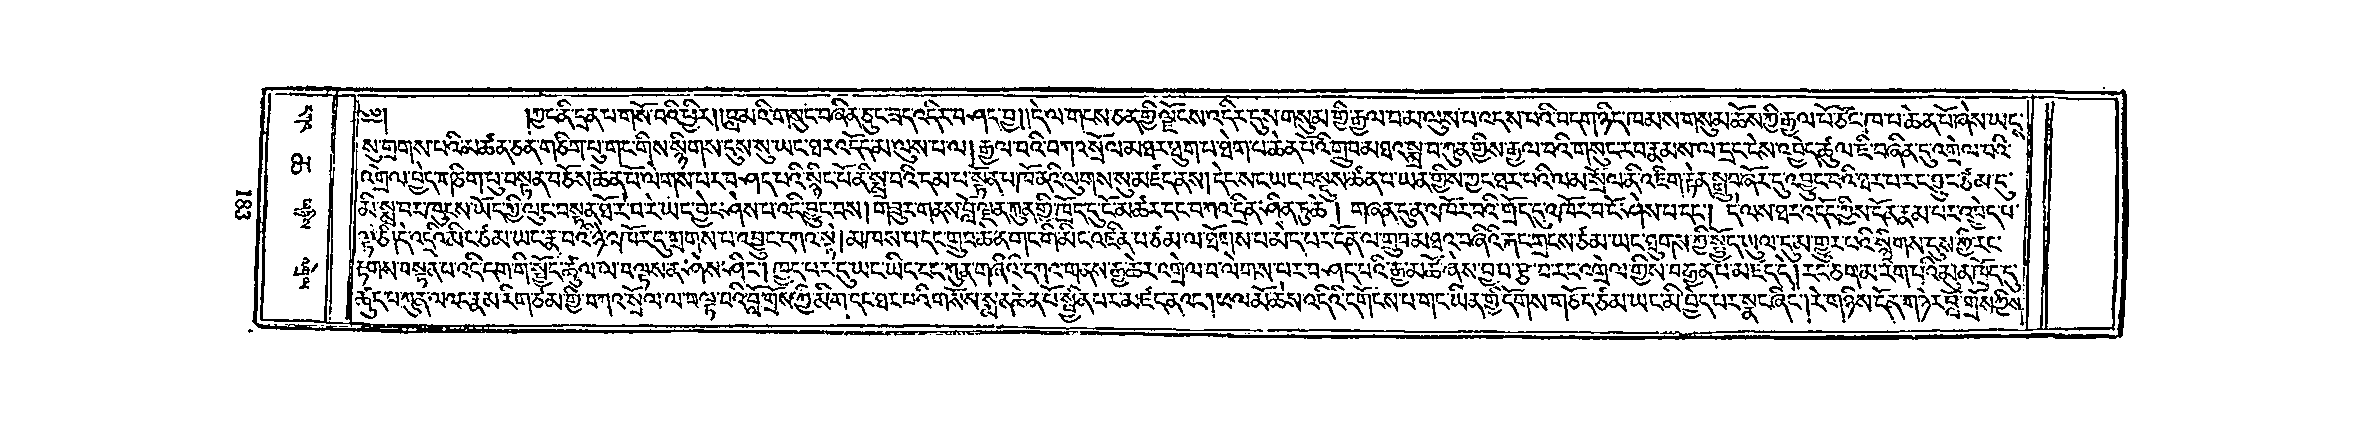༄༅། །ཀྱང་ནི་དྲན་པ་གསོ་བའི་ཕྱིར། །བླ་མའི་གསུང་བཞིན་ཅུང་ཟད་འདིར་བཤད་བྱ། །དེ་ལ་གངས་ཅན་གྱི་ལྗོངས་འདིར་དུས་གསུམ་གྱི་རྒྱལ་བ་མ་ལུས་པ་འདས་པའི་བདག་ཉིད་ཁམས་གསུམ་ཆོས་ཀྱི་རྒྱལ་པོ་ཙོང་ཁ་པ་ཆེན་པོ་ཞེས་ཡངས་
སུ་གྲགས་པའི་མཚན་ཅན་གཅིག་པུ་གང་གིས་སྙིགས་དུས་སུ་ཡང་ཐར་འདོད་མ་ལུས་པ་ལ། རྒྱལ་བའི་བཀའ་སྲོལ་མཐར་ཐུག་པ་ཐེག་པ་ཆེན་པོའི་གྲུབ་མཐའ་སྨྲ་བ་ཀུན་གྱིས་རྒྱལ་བའི་གསུང་རབ་རྣམས་ལ་དྲང་ངེས་འབྱེད་ཚུལ་ཇི་བཞིན་དུ་འགྲེལ་བའི་
འགྲེལ་བྱེད་གཅིག་པུ་བསྟན་བཅོས་ཆེན་པོ་ལེགས་པར་བཤད་པའི་སྙིང་པོ་ནི་སྨྲ་བའི་དམ་པ་སྟོན་པ་ཁོ་ནའི་ལུགས་སུ་མཛད་ནས། དེང་སང་ཡང་བསྡུས་ཚན་པ་ཡན་གྱིས་ཀྱང་ཐར་པའི་ལམ་སྲོལ་ནི་འཇིག་རྟེན་སྒྲུབ་ཞོར་དུ་འབྱུང་བའི་ཐར་པ་རང་བྱུང་ཙམ་དུ་
མི་སྨྲ་བར་ཁུངས་ཡོད་ཀྱི་ལུང་བསྟན་ཐོ་རེ་བ་རེ་ཡང་བྱེད་ཤེས་པ་འདི་བྱུང་བས། གཟུར་གནས་བློ་ལྡན་ཀུན་གྱི་ཁྲོད་དུ་ངོ་མཚར་དང་བཀའ་དྲིན་ཤིན་ཏུ་ཆེ། གཞན་དུ་ན་འཁོར་བའི་གྲོད་དུ་འཁོར་བ་ངོ་ཤེས་པ་དང་། དེ་ལས་ཐར་འདོད་ཀྱིས་དོན་རྣམ་པར་འབྱེད་པ་
ལྟ་ཅི། དེ་འདྲའི་མིང་ཙམ་ཡང་རྣ་བའི་ཉེ་འཁོར་དུ་གྲགས་པ་འབྱུང་དཀའ་སྟེ། མཁས་པ་དང་གྲུབ་ཆེན་གང་གི་མིང་འཛིན་པ་ཙམ་ལ་ཐོགས་པ་མེད་པར་དོན་ལ་གྲུབ་མཐའ་བཞིའི་རྐང་གྲངས་ཙམ་ཡང་ཐུགས་ཀྱི་སྤྱོད་ཡུལ་དུ་མ་གྱུར་པའི་སྙིགས་དུས་ཀྱི་རང་
རྟགས་བསྟན་པ་འདི་དག་གི་སྤྱོད་ཚུལ་ལ་བལྟས་ན་ཤེས་ཤིང་། ཁྱད་པར་དུ་ཡང་ཡིད་དང་ཀུན་གཞིའི་དཀའ་གནས་རྒྱ་ཆེར་འགྲེལ་བ་ལེགས་པར་བཤད་པའི་རྒྱ་མཚོ་ཞེས་བྱ་བ་རྩ་བ་རང་འགྲེལ་གྱིས་བརྒྱན་པ་མཛད་དེ། རང་ཅག་མ་རིག་པའི་མུན་ཁྲོད་དུ་
ཚུད་པ་ཀུན་ལའང་རྣམ་རིག་ཙམ་གྱི་བཀའ་སྲོལ་ལ་བལྟ་བའི་བློ་གྲོས་ཀྱི་མིག་དང་ཐར་པའི་གསོས་སྨན་ཆེན་པོ་སྦྱིན་པར་མཛད་ནའང་། ཕལ་མོ་ཆེས་འདིའི་དགོངས་པ་གང་ཡིན་གྱི་དོགས་གཅོད་ཙམ་ཡང་མི་བྱེད་པར་སྣང་ཞིང་། རེ་གཉིས་དོན་གཉེར་བློ་གྲོས་ཀྱིས་